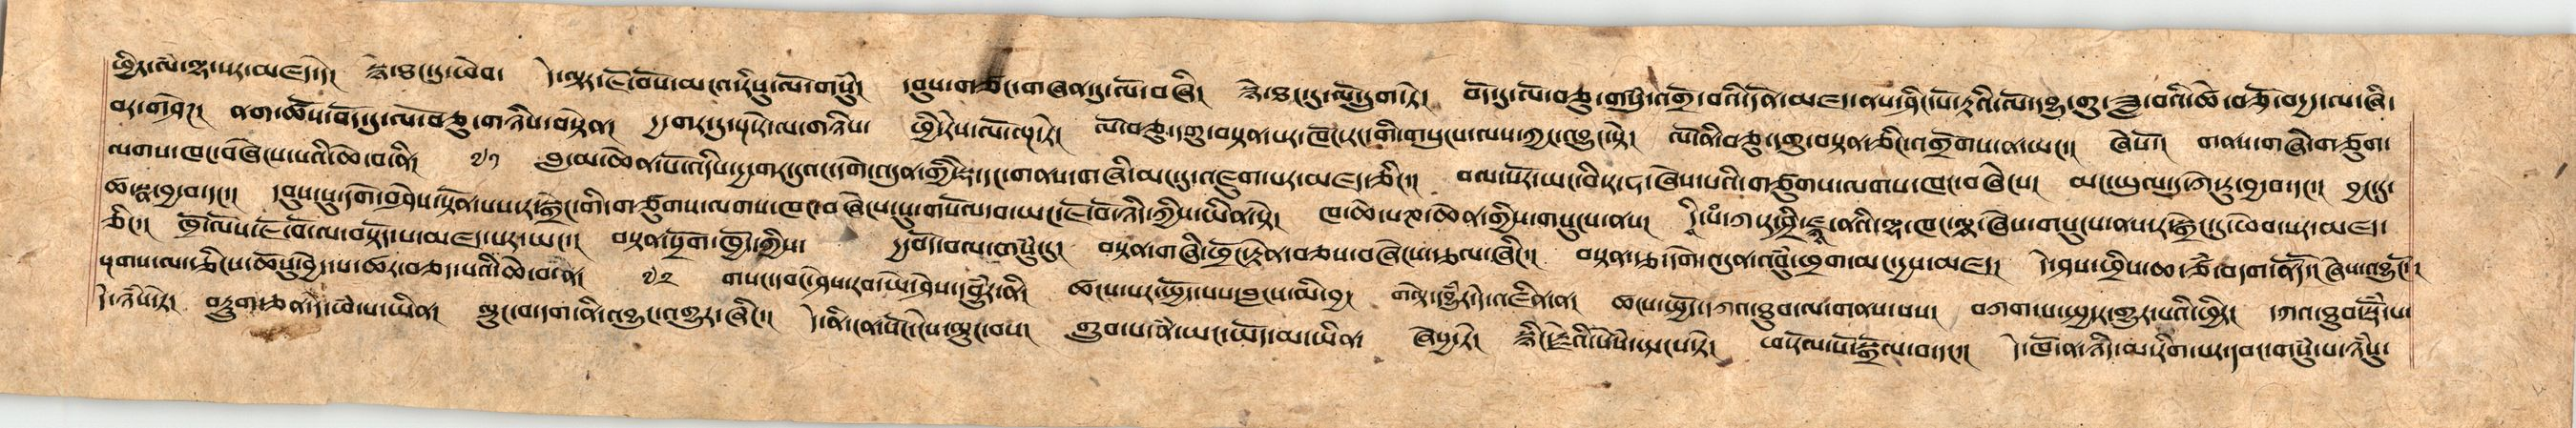ཕྱིར་ལཾ་ལྷ་སར་མཛད་དེ། སྙེ་ཐང་དུ་ཕེབ། དེ་ལྟར་ཇོ་བོས་མངའ་རིསུ་ལོ་གསུཾ། དབུས་གཙང་གཞན་དུ་ལོ་བཞི། སྙེ་ཐང་དུ་ལོ་དྲུག་ཏེ། བོད་དུ་ལོ་བཅུ་གསུཾ་འགྲོ་བའི་དོན་མཛད་ནས་ཤིང་པོ་རྟའི་ལོ་དབྱུ་གུ་ཟླ་བའི་ཚེས་བཅོ་བདྱད་ལ་ཞི་
བར་གཤེཌ། ནག་ཚོས་བོད་དུ་ལོ་བཅུ་གཉིས་བསྟེན། དྱ་གར་དུ་སྔ་རེ་ལ་གཉིས། ཕྱི་རེས་ལོ་ལྔ་ཏེ། ལོ་བཅུ་དགུ་བསྟན་པར་ཁོང་རང་གིས་གསུངས་ལས་ཀྱང་འབྱུང་སྟེ། ལོ་ནི་བཅུ་དགུ་བསྟན་ཅིང་འགྲོགས་ན་ཡང་། ཞེསོ་། གནས་གཞི་གཙུག་
ལགས་ཁང་བཞེངས་པའི་ཆེ་བ་ནི། ༧༡ བླ་མ་ཆེན་པོ་འདིས་དྱ་་གར་དུའང་དགེ་འདུན་གྱི་སྡེ་དང་གནས་གཞི་མང་དུ་འཛུགས་པར་མཛད་ཅིང་། བལ་པོར་ཡང་བི་ར་ཧ་ཞེས་པའི་གཙུགས་ལགས་ཁང་བཞེངས། མང་ཡུལ་དུ་ཀེ་རུ་བྱ་བ་དང་། བྱང་དུ་
ཚ་སྣ་བྱ་བ་དང་། དབུས་སུ་དགེ་བཤེས་སྟོན་པས་ར་སྒྲེང་གི་གཙུགས་ལགས་ཁང་བཞེངས་སུ་གསོལ་བ་ཡང་ཇོ་བོ་ཉིད་ཀྱིས་ཡིན་སྟེ། ཁ་ཆེ་པཎ་ཆེན་གྱི་གསུངས་ནས། དཱི་སེྃ་ཀ་ར་ཤཱི་ཛྙཱ་ནའི་ལྷ་ཁང་ལྷ་ཞེས་གསུངས་ནས་ར་སྒྲེང་དུ་ཕེབ་པར་མཛད་
ཅིང་། ཁྲོ་ལོས་ཇོ་བོ་ལ་བསྟོད་པ་མཛད་པར་ཡང་། བསྟན་སྲོག་ཁྱོད་ཀྱིས་ དྱ་བོད་བལ་གསུཾ་དུ། བསྟན་གཞི་ཕྲོང་རྟེན་བཅས་བཞེངས་རྩལ་ཞིང་། བསྟན་རྩ་དགེ་འདུན་འབུཾ་ཕྲག་མང་དྱས་མཛད། དེ་ཤས་ཕྲིས་ཆ་ཙཾ་བདག་ནོདོ་། ཞེས་འབྱུངོ་།
སྔགས་ལ་རྩིངསཆསོུ་བྱེད་པ་ཚར་བཅད་པའི་ཆེ་བ་ན། ༧༢ གསང་དབང་ཤེས་རབ་ཡེ་ཤེས་དབྱུཾར་ནི། ཚངས་པར་སྤྱོད་པ་བླངས་མི་བྱ། གལྟེ་དབྱུཾར་དེ་འཛིན་ན། ཚངས་སྤྱོད་དཀའ་ཐུབ་ལ་གནས་པས། བཀག་པ་སྤྱ་ར་གྱུར་པའི་ཕྱིར། དཀའ་ཐུབ་སྡོཾ་པ་
དེ་ཉཾས་ཏེ་། བརྟྲུག་ཅན་དེ་ཕཾ་པ་ཡིན་། ལྟུང་བ་དག་ནི་འབྱུང་འགྱུར་ཞིང་། དེ་ནི་ངན་སོང་ངེས་ལྟུང་བས། གྲུབ་པ་ནཾ་ཡང་ཡོད་མ་ཡིན། ཞེསྱ་ཏེ། སྙིང་རྗེའི་སེཾས་སྤངས་སྟེ། ཕ་རོལ་པོ་སྒྲོལ་བ་དང་། དེ་ཁོ་ན་ཉིད་མ་རིག་པར་དབང་གསུཾ་པ་ཉཾསུ་